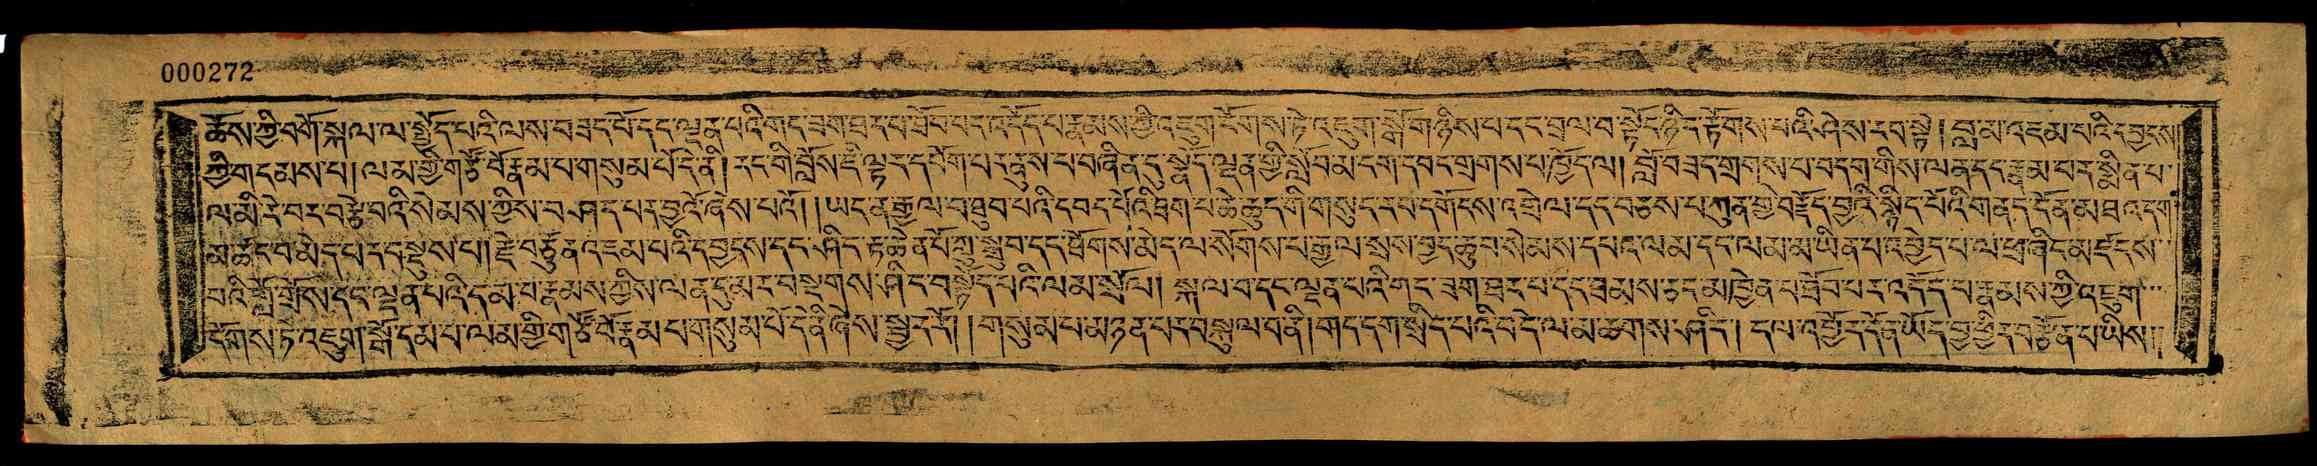ཆོས་ཀྱི་བགོ་སྒལ་ལ་སྤྱོད་པའི་ལས་བཟང་པོ་དང་ལྡན་པའི་གང་ཟག་ཐར་པ་ཐོབ་པར་འདོད་པ་རྣམས་ཀྱི་འཇུག་དོགས་ཏེ་འཇུག་གོ་གཉིས་པ་དང་བྲལ་བ་སྟོང་ཉིད་རྟོགས་པའི་ཤེས་རབ་སྟེ། བླ་མ་འཇམ་པའི་དབྱངས་
ཀྱི་གདམས་པ། ལམ་གྱི་གཙོ་བོ་རྣམ་པ་གསུམ་པོ་དེ་ནི། རང་གི་བློས་ཇི་ལྟར་དཔོག་པར་ནུས་པ་བཞིན་དུ་སྣད་ལྡན་གྱི་སློབ་མ་ངག་དབང་གྲགས་པ་ཁྱོད་ལ། བློ་བཟང་གྲགས་པ་བདག་གིས་ལན་དང་རྣམ་པར་སྨིན་པ་
ལ་མི་རེ་བར་བརྩེ་བའི་སེམས་ཀྱིས་བཤད་པར་བྱའོ་ཞེས་པའོ། །ཡང་ན་རྒྱལ་བ་ཐུབ་པའི་དབང་པོའི་ཐེག་པ་ཆེ་ཆུང་གི་གསུང་རབ་དགོངས་འགྲེལ་དང་བཅས་པ་ཀུན་གྱི་བརྗོད་བྱའི་སྙིང་པོའི་གནད་དོན་མཐའ་དག་
མ་ཚང་བ་མེད་པར་བསྡུས་པ། རྗེ་བཙུན་འཇམ་པའི་དབྱངས་དང་ཤིང་རྟ་ཆེན་པོ་ཀླུ་སྒྲུབ་དང་ཐོགས་མེད་ལ་སོགས་པ་རྒྱལ་སྲས་བྱང་ཆུབ་སེམས་དཔའ་ལམ་དང་ལམ་མ་ཡིན་པ་འབྱེད་པ་ལ་ཕྲ་ཞིང་མཛངས་
པའི་བློ་གྲོས་དང་ལྡན་པའི་དམ་པ་རྣམས་ཀྱིས་ལན་དུ་མར་བསྔགས་ཤིང་བསྟོད་པའི་ལམ་སྲོལ། སྐལ་བ་དང་ལྡན་པའི་གང་ཟག་ཐར་པ་དང་ཐམས་ཅད་མཁྱེན་པ་ཐོབ་པར་འདོད་པ་རྣམས་ཀྱི་འཇུག་་་
དོགས་ཏེ་འཇུག་སྒོ་དམ་པ་ལམ་གྱི་གཙོ་བོ་རྣམ་པ་གསུམ་པོ་དེ་ནི་ཞེས་སྦྱར་རོ། །གསུམ་པ་མཉན་པར་བསྐུལ་བ་ནི། གང་དག་སྲིད་པའི་བདེ་ལ་མ་ཆགས་ཤིང་།དལ་འབྱོར་དོན་ཡོད་བྱ་ཕྱིར་བརྩོན་པ་ཡིས། །